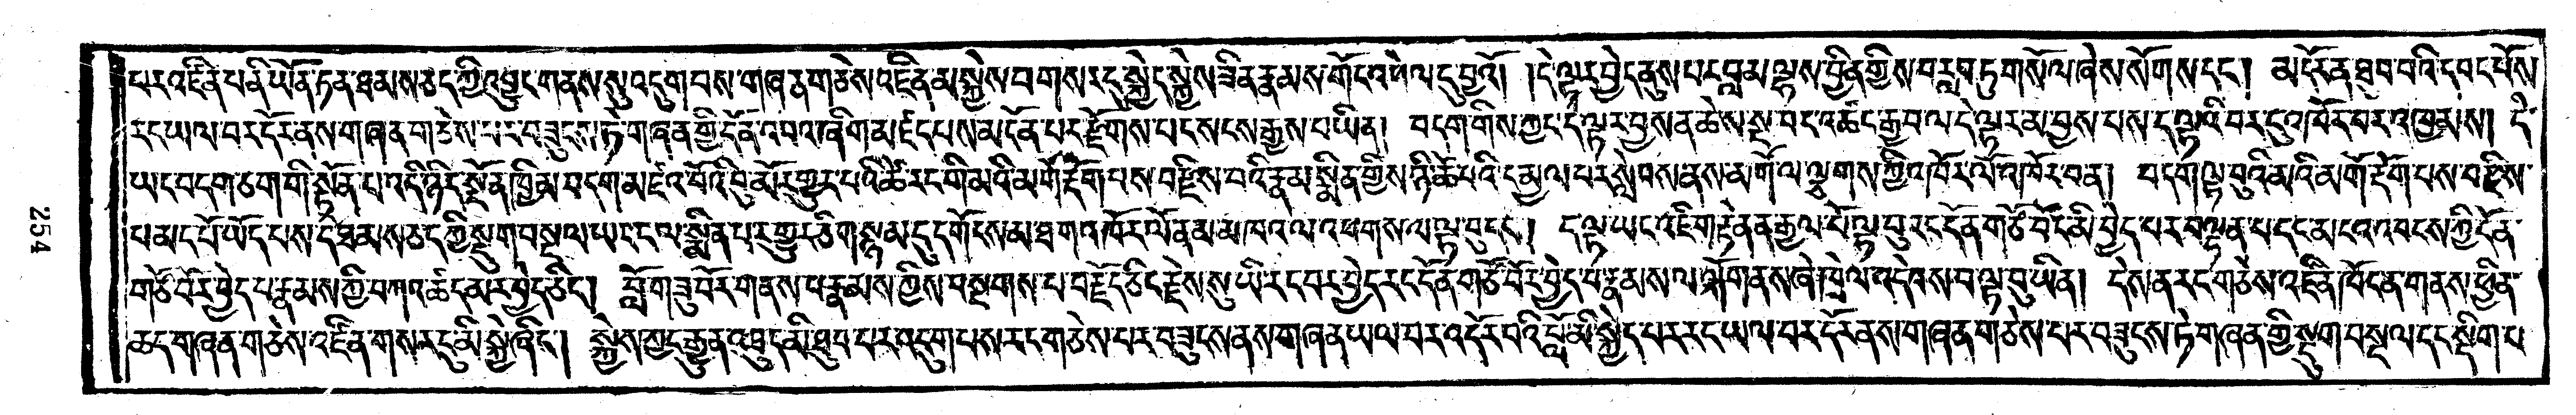པར་འཛིན་པ་ནི་ཡོན་ཏན་ཐམས་ཅད་ཀྱི་འབྱུང་གནས་སུ་འདུག་པས་གཞན་གཅེས་འཇིན་མ་སྐྱེས་བ་གསར་དུ་སྐྱེད་སྐྱེས་ཟིན་རྣམས་གོང་འཕེལ་དུ་བྱའོ། །དེ་ལྟར་བྱེད་ནུས་པར་བླ་མ་ལྷས་བྱིན་གྱིས་བརླབ་ཏུ་གསོལ་ཞེས་སོགས་དང་། མདོར་ན་ཐུབ་པའི་དབང་པོས་
རང་ཡལ་བར་དོར་ནས་གཞན་གཅེས་པར་བཟུངས་ཏེ་གཞན་གྱི་དོན་འབའ་ཞིག་མཛད་པས་མངོན་པར་རྫོགས་པད་སངས་རྒྱས་པ་ཡིན། བདག་གིས་ཀྱང་དེ་ལྟར་བྱས་ན་ཆེས་སྔ་བར་འཚང་རྒྱབ་ལ་དེ་ལྟར་མ་བྱས་པས་ད་ལྟའི་བར་དུ་འཁོར་བར་འཁྱམས། དེ་
ཡང་བདག་ཅག་གི་སྟོན་པ་འདི་ཉིད་སྔོན་ཁྱིམ་བདག་མཛའ་བོའི་བུ་མོར་གྱུར་པའི་ཚེ་རང་གི་མའི་མགོ་རྡོག་པས་བརྫིས་པའི་རྣམ་སྨིན་གྱིས་ཉི་ཚེ་པའི་དམྱལ་བར་སླེབས་ནས་མགོ་ལ་ལྕགས་ཀྱི་འཁོར་ལོ་འཁོར་བ་ན། བདག་ལྟ་བུའི་མའི་མགོ་རྡོག་པས་བརྫིས་
པ་མང་པོ་ཡོད་པས་དེ་ཐམས་ཅད་ཀྱི་སྡུག་བསྔལ་ཡང་ངལ་སྨིན་པར་གྱུར་ཅིག་སྙམ་དུ་དགོངས་མ་ཐག་འཁོར་ལོ་ནམ་མཁའ་ལ་འཕགས་ལ་ལྟ་བུ་དང་། ད་ལྟ་ཡང་འཇིག་རྟེན་ན་རྒྱལ་པོ་ལྟ་བུ་རང་དོན་གཙོ་བོར་མི་བྱེད་པར་བླྷན་པ་དང་མངའ་འབངས་ཀྱི་དོན་
གཙོ་བོར་བྱེད་པ་རྣམས་ཀྱི་བཀའ་ཚད་མར་བྱེད་ཅིང་། བློ་གཟུ་བོར་གནས་པ་རྣམས་ཀྱིས་བསྔགས་པ་བརྗོད་ཅིང་རྗེས་སུ་ཡི་རང་བར་བྱེད་རང་དོན་གཙོ་བོར་བྱེད་པ་རྣམས་ལ་ལྐོག་ནས་ཞེ་ཁྲེལ་འདེབས་བ་ལྟ་བུ་ཡིན། དེས་ན་རང་གཅེས་འཛིན་ཁོང་ན་གནས་ཕྱིན་
ཆད་གཞན་གཅེས་འཛིན་གསར་དུ་མི་སྐྱེ་ཞིང་། སྐྱེས་ཀྱང་རྒྱུན་འཐུད་མི་ཐུབ་པར་འདུག་པས་རང་གཅེས་པར་བཟུངས་ནས་གཞན་ཡལ་བར་འདོར་བའི་བློ་མི་སྐྱེད་པར་རང་ཡལ་བར་དོར་ནས་གཞན་གཅེས་པར་བཟུངས་ཏེ་གཞན་གྱི་སྡུག་བསྔལ་དང་སྡིག་པ་